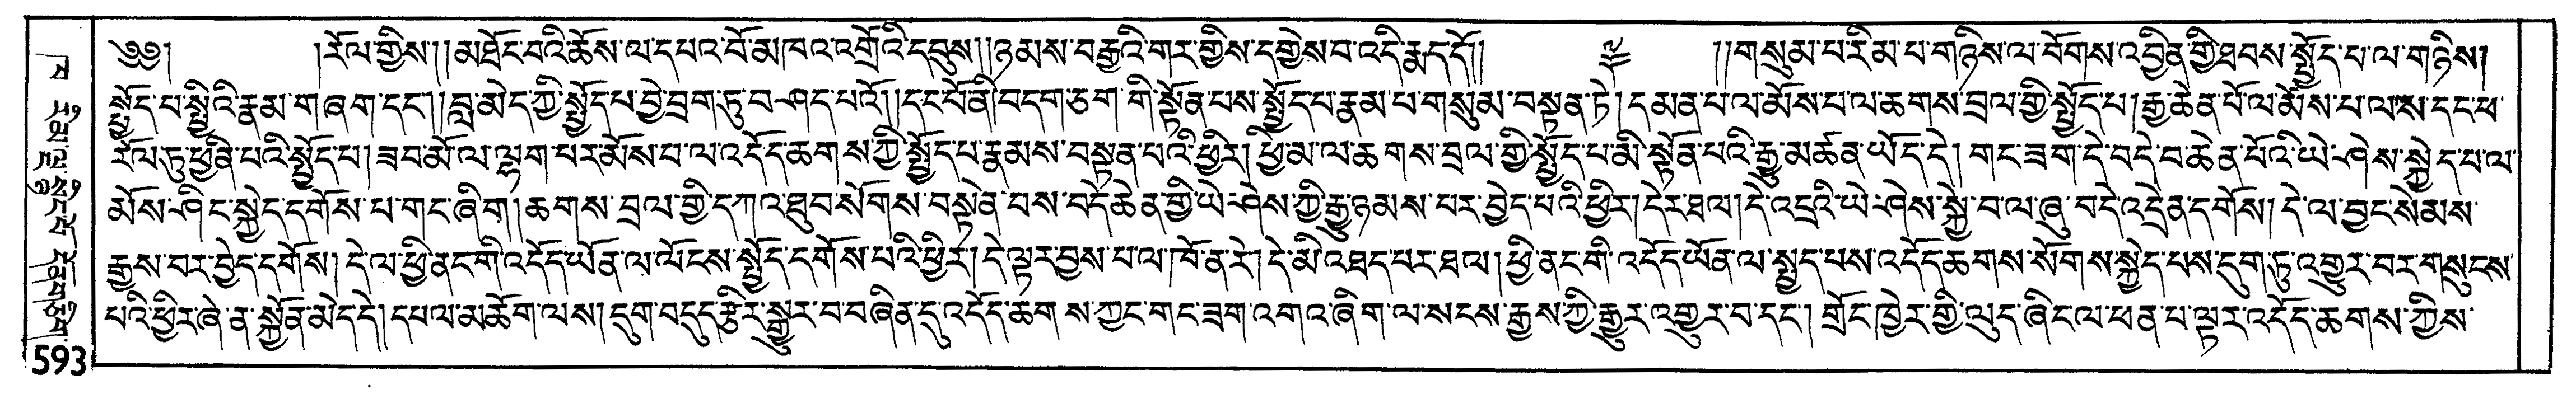༄༅། །རོལ་གྱིས། །མཐོང་བའི་ཆོས་ལ་དཔའ་བོ་མཁའ་འགྲོའི་དབུས། །ཉམས་བརྒྱའི་གར་གྱིས་དགྱེས་བ་འདི་རྨད་དོ།། ༈ །།གསུམ་པ་རིམ་པ་གཉིས་ལ་བོགས་འབྱིན་གྱི་ཐབས་སྤྱོད་པ་ལ་གཉིས།
སྤྱོད་པ་སྤྱིའི་རྣམ་གཞག་དང་། །བླ་མེད་ཀྱི་སྤྱོད་པ་བྱེ་བྲག་ཏུ་བཤད་པའོ། །དང་པོ་ནི། བདག་ཅག་གི་སྟོན་པས་སྤྱོད་པ་རྣམ་པ་གསུམ་བསྟན་ཏེ། དམན་པ་ལ་མོས་པ་ལ་ཆགས་བྲལ་གྱི་སྤྱོད་པ། རྒྱ་ཆེན་པོ་ལ་མོས་པ་ལ་ས་དང་ཕ་
རོལ་ཏུ་ཕྱིན་པའི་སྤྱོད་པ། ཟབ་མོ་ལ་ལྷག་པར་མོས་པ་ལ་འདོད་ཆགས་ཀྱི་སྤྱོད་པ་རྣམས་བསྟན་པའི་ཕྱིར། ཕྱི་མ་ལ་ཆགས་བྲལ་གྱི་སྤྱོད་པ་མི་སྟོན་པའི་རྒྱུ་མཚན་ཡོད་དེ། གང་ཟག་དེ་བདེ་བ་ཆེན་པོའི་ཡེ་ཤེས་སྐྱེད་པ་ལ་
མོས་ཤིང་སྐྱེད་དགོས་པ་གང་ཞིག །ཆགས་བྲལ་གྱི་དཀའ་ཐུབ་སོགས་བསྟེན་པས་བདེ་ཆེན་གྱི་ཡེ་ཤེས་ཀྱི་རྒྱུ་ཉམས་པར་བྱེད་པའི་ཕྱིར། དེར་ཐལ། དེ་འདྲའི་ཡེ་ཤེས་སྐྱེ་བ་ལ་ཞུ་བདེ་འདྲེན་དགོས། དེ་ལ་བྱང་སེམས་
རྒྱས་བར་བྱེད་དགོས། དེ་ལ་ཕྱི་ནང་གི་འདོད་ཡོན་ལ་ལོངས་སྤྱོད་དགོས་པའི་ཕྱིར། དེ་ལྟར་བྱས་པ་ལ་ཁོ་ན་རེ། དེ་མི་འཐད་པར་ཐལ། ཕྱི་ནང་གི་འདོད་ཡོན་ལ་སྤྱད་པས་འདོད་ཆགས་སོགས་སྐྱེད་པས་དུག་ཏུ་འགྱུར་བར་གསུངས་
པའི་ཕྱིར་ཞེ་ན་སྐྱོན་མེད་དེ། དཔལ་མཆོག་ལས། དུག་བདུད་རྩིར་སྒྱུར་བ་བཞིན་དུ་འདོད་ཆགས་ཀྱང་གང་ཟག་འགའ་ཞིག་ལ་སངས་རྒྱས་ཀྱི་རྒྱུར་འགྱུར་བ་དང་། གྲོང་ཁྱེར་གྱི་ལུད་ཞིང་ལ་ཕན་པ་ལྟར་འདོད་ཆགས་ཀྱིས་